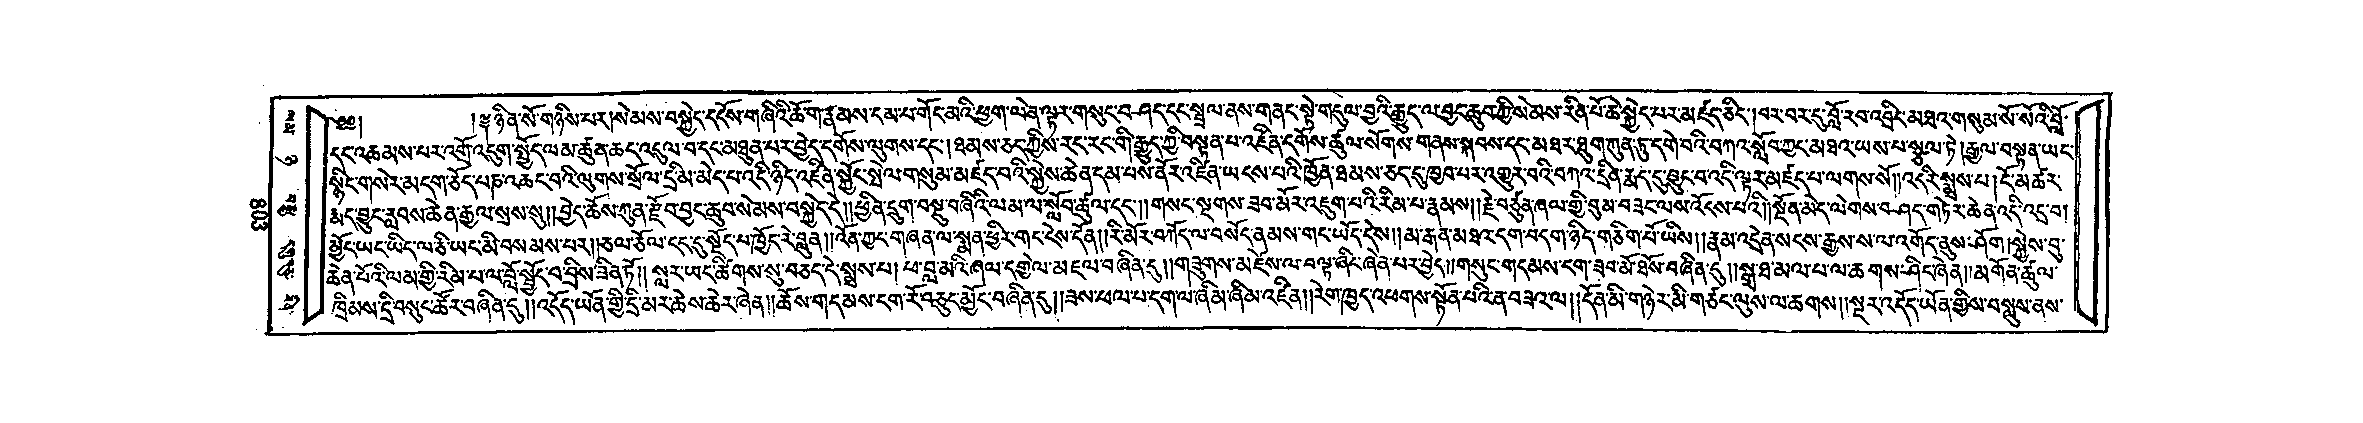༄༅། །ཉིན་སོ་གཉིས་པར། སེམས་བསྐྱེད་དངོས་གཞིའི་ཆོ་ག་རྣམས་དམ་པ་གོང་མའི་ཕྱག་ལེན་ལྟར་གསུང་བཤད་དང་སྦྲལ་ནས་གནང་སྟེ་གདུལ་བྱའི་རྒྱུད་ལ་བྱང་ཆུབ་ཀྱི་སེམས་རིན་པོ་ཆེ་སྐྱེད་པར་མཛད་ཅིང་། བར་བར་དུ་བློ་རབ་འབྲིང་མཐའ་གསུམ་སོ་སོའི་བློ་
དང་འཆམས་པར་འགྲོ་འདུག་སྤྱོད་ལམ་ཚུན་ཆད་འདུལ་བ་དང་མཐུན་པར་བྱེད་དགོས་ལུགས་དང་། ཐམས་ཅད་ཀྱིས་རང་རང་གི་རྒྱུད་ཀྱི་བསྟན་པ་འཛིན་དགོས་ཚུལ་སོགས་གནས་སྐབས་དང་མཐར་ཐུག་ཀུན་ཏུ་དགེ་བའི་བཀའ་སློབ་ཀྱང་མཐའ་ཡས་པ་སྩལ་ཏེ། རྒྱལ་བསྟན་ཡང་
སྙིང་གསེར་མདག་ཅོད་པཎ་འཆང་བའི་ལུགས་སྲོལ་དྲི་མ་མེད་པ་འདི་ཉིད་འཛིན་སྐྱོང་སྤེལ་གསུམ་མཛད་པའི་སྐྱེས་ཆེན་དམ་པས་ནོར་འཛིན་ཡངས་པའི་ཁྱོན་ཐམས་ཅད་དུ་ཁྱབ་པར་འགྱུར་བའི་བཀའ་དྲིན་རྨད་དུ་བྱུང་བ་འདི་ལྟར་མཛད་པ་ལགས་སོ། །འདིར་སྨྲས་པ། ངོ་མཚར་
རྨད་བྱུང་རླབས་ཆེན་རྒྱལ་སྲས་སུ། །བྱེད་ཆོས་ཀུན་རྫོབ་བྱང་ཆུབ་སེམས་བསྐྱེད་དེ། །ཕྱིན་དྲུག་བསྡུ་བཞིའི་ལམ་ལ་སློབ་ཚུལ་དང་། །གསང་སྔགས་ཟབ་མོར་འཇུག་པའི་རིམ་པ་རྣམས། །རྗེ་བཙུན་ཞལ་གྱི་བུམ་བཟང་ལས་འོངས་པའི། །སྔོན་མེད་ལེགས་བཤད་གཏེར་ཆེན་འདི་འདྲ་བ།
མྱོང་ཡང་ཡིད་ལ་ཅི་ཡང་མི་བསམས་པར། །ཅལ་ཅོལ་དང་དུ་སྡོད་པ་ཁྱོད་རེ་བླུན། །འོན་ཀྱང་གཞན་ལ་སྨན་ཕྱིར་གང་ངེས་དོན། །རི་མོར་བཀོད་ལ་བསོད་ནམས་གང་ཡོད་དེས། །མ་རྒན་མཐའ་དག་བདག་ཉིད་གཅིག་པོ་ཡིས། །རྣམ་འདྲེན་སངས་རྒྱས་ས་ལ་འགོད་ནུས་ཤོག། །སྐྱེས་བུ་
ཆེན་པོའི་ལམ་གྱི་རིམ་པ་ལ་བློ་སྦྱོང་བ་བྲིས་ཟིན་ཏོ། །སླར་ཡང་ཚིགས་སུ་བཅད་དེ་སྨྲས་པ། ཕ་བླ་མའི་ཞལ་དགྱེས་མཇལ་བཞིན་དུ། །གཟུགས་མཛེས་ལ་བལྟ་ཞིང་ཞེན་པར་བྱེད། །གསུང་གདམས་ངག་ཟབ་མོ་ཐོས་བཞིན་དུ། །སྒྲ་ཐ་མལ་པ་ལ་ཆགས་ཤིང་ཞེན། །མགོན་ཚུལ་
ཁྲིམས་དྲི་བསུང་ཚོར་བཞིན་དུ། །འདོད་ཡོན་གྱི་དྲི་མར་ཆེས་ཆེར་ཞེན། །ཆོས་གདམས་ངག་རོ་བཅུད་མྱོང་བཞིན་དུ། །ཟས་ཕལ་པ་དག་ལ་ཞིམ་ཞིམ་འཛིན། །རེག་ཁྱད་འཕགས་སྟོན་པའི་ན་བཟའ་ལ། །དོན་མི་གཉེར་མི་གཙང་ལུས་ལ་ཆགས། །སྔར་འདོད་ཡོན་གྱིས་བསླུས་ནས་